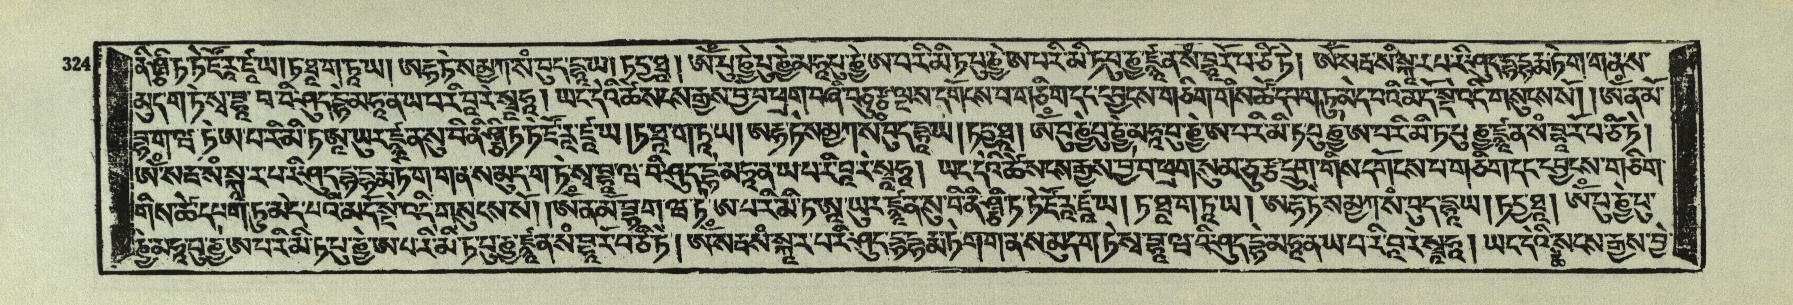ནི་ཤྩི་ཏ་ཏེ་ཛོ་རཱ་ཛཱ་ཡ། ཏ་ཐཱ་ག་ཏཱ་ཡ། ཨརྷ་ཏེ་སམྱཀ་སཾ་བུད་དྷཱ་ཡ། ཏདྱ་ཐཱ། ཨོཾ་པུ་ཎྱེ་པུ་ཎྱེ་མཧཱ་པུ་ཎྱེ་ཨ་པ་རི་མི་ཏ་པུ་ཎྱེ་ཨ་པ་རི་མི་ཏ་པུ་ཎྱྱ་ཛྙཱ་ན་སཾ་བྷཱ་རོ་པ་ཙི་ཏེ། ཨོཾ་སརྦ་སཾ་སྐཱ་ར་པ་རི་ཤུད་དྷ་དྷརྨ་ཏེ་ག་ག་ན་ས་
མུད་ག་ཏེ་སྭ་བྷཱ་བ་བི་ཤུད་དྷེ་མཧཱ་ན་ཡ་པ་རི་བཱ་རེ་སྭཱ་ཧཱ། ཡང་དེའི་ཚེ་སངས་རྒྱས་བྱ་བ་ཕྲག་བཞི་བཅུ་རྩ་ལྔས་དགོངས་པ་གཅིག་དང་དབྱངས་གཅིག་གིས་ཚེ་དཔག་ཏུ་མེད་པའི་མདོ་སྡེ་འདི་གསུངས་སོ། །ཨོཾ་ན་མོ་
བྷ་ག་ཝ་ཏེ་ཨ་པ་རི་མི་ཏ་ཨཱ་ཡུར་ཛྙཱ་ན་སུ་བི་ནི་ཤྩི་ཏ་ཏེ་ཛོ་རཱ་ཛཱ་ཡ། ཏ་ཐཱ་ག་ཏཱ་ཡ། ཨརྷ་ཏེ་སམྱཀ་སཾ་བུད་དྷཱ་ཡ། ཏདྱ་ཐཱ། ཨོཾ་པུ་ཎྱེ་བུ་ཎྱེ་མཧཱ་པུ་ཎྱེ་ཨ་པ་རི་མི་ཏ་པུ་ཎྱེ་ཨ་པ་རི་མི་ཏ་པུ་ཎྱ་ཛྙཱ་ན་སཾ་བྷཱ་རོ་པ་ཙི་ཏེ།
ཨོཾ་སརྦ་སཾ་སྐཱ་ར་པ་རི་ཤུད་དྷ་དྷརྨ་ཏེ་ག་ག་ན་ས་མུད་ག་ཏེ་སྭ་བྷཱ་ཝ་བི་ཤུད་དྷེ་མཧཱ་ན་ཡ་པ་རི་བཱ་རེ་སྭཱ་ཧཱ། ཡང་དེའི་ཚེ་སངས་རྒྱས་བྱེ་བ་ཕྲག་སུམ་ཅུ་རྩ་དྲུག་གིས་དགོངས་པ་གཅིག་དང་དབྱངས་གཅིག་
གིས་ཚེ་དཔག་ཏུ་མེད་པའི་མདོ་སྡེ་འདི་གསུངས་སོ། །ཨོཾ་ན་མོ་བྷ་ག་ཝ་ཏེ་ཨ་པ་རི་མི་ཏ་ཨཱ་ཡུར་ཛྙཱ་ན་སུ་བི་ནི་ཤྩི་ཏ་ཏེ་ཛོ་རཱ་ཛཱ་ཡ། ཏ་ཐཱ་ག་ཏཱ་ཡ། ཨརྷ་ཏེ་སམྱཀ་སཾ་བུད་དྷཱ་ཡ། ཏདྱ་ཐཱ། ཨོཾ་པུ་ཎྱེ་པུ་
ཎྱེ་མཧཱ་པུ་ཎྱེ་ཨ་པ་རི་མི་ཏ་པུ་ཎྱེ་ཨ་པ་རི་མི་ཏ་པུ་ཎྱ་ཛྙཱ་ན་སཾ་བྷཱ་རོ་པ་ཙི་ཏེ། ཨོཾ་སརྦ་སཾ་སྐཱ་ར་པ་རི་ཤུད་དྷ་དྷརྨ་ཏེ་ག་ག་ན་ས་མུད་ག་ཏེ་སྭ་བྷཱ་ཝ་བི་ཤུད་དྷེ་མཧཱ་ན་ཡ་པ་རི་བཱ་རི་བཱ་རེ་སྭཱ་ཧཱ། ཡང་དེའི་ཚེ་སངས་རྒྱས་བྱེ་